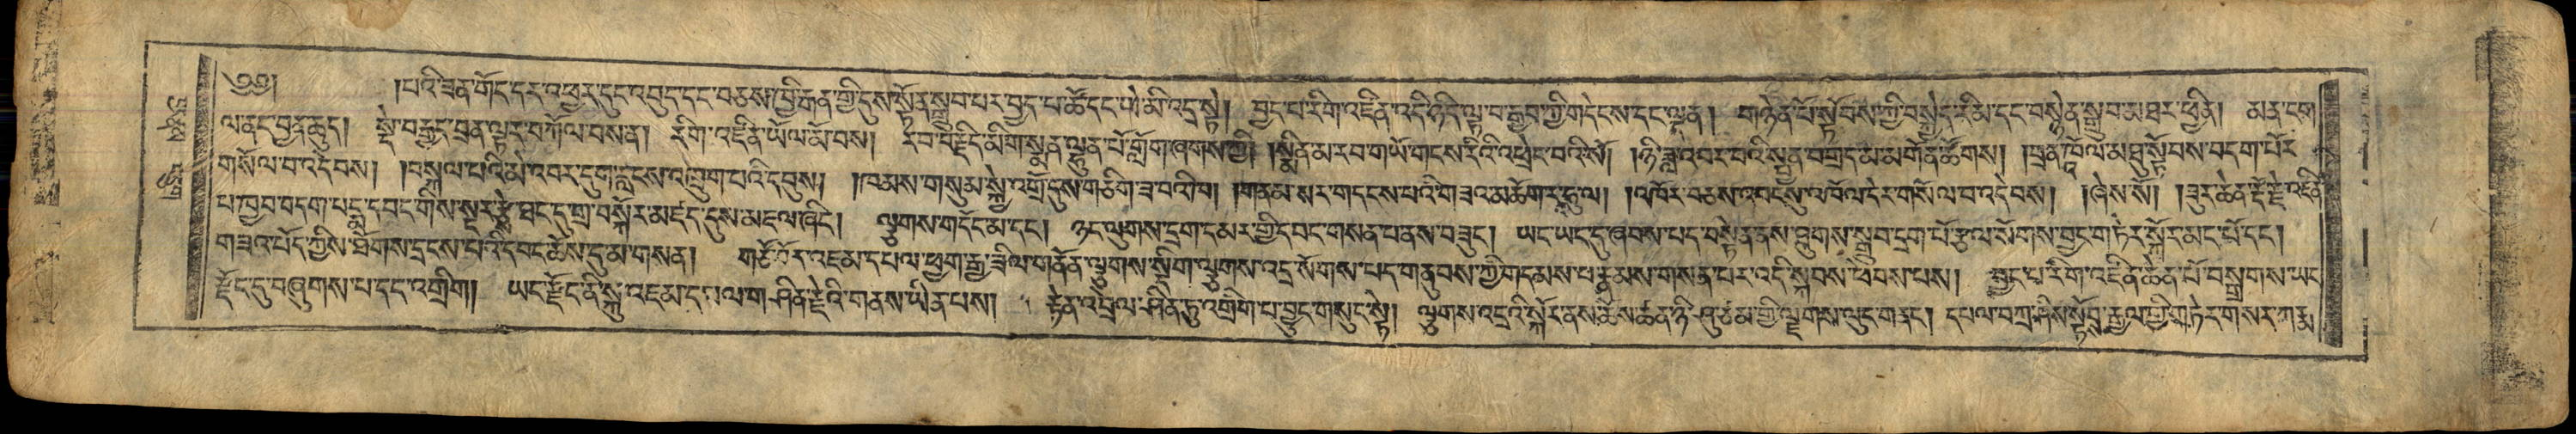༄༅། །པའི་ཟན་གོང་དར་འཕྱར་དུང་འབུད་དང་བཅས་ཁྱི་རྒན་གྱི་དུས་སྟོན་སྒྲུབ་པར་བྱད་པ་ཚོ་དང་ཡེ་མི་འདྲ་སྟེ། བྱང་བ་རིག་འཛིན་འདི་ཉིད་ལྟ་བ་རྒྱབ་ཀྱི་གདེངས་དང་ལྡན། གཉེར་པོ་སྟོབས་ཀྱི་བསྐྱེད་རིམ་ངང་བསྙེན་སྒྲུབ་མཐར་ཕྱིན། མན་ངག་
ལ་ནང་བྱན་ཆུད། སྡེ་བརྒྱད་བྲན་ལྟར་བཀོལ་བསན། རིག་འཛིན་ཡོལ་མོ་བས། རབ་བརྗིད་མིག་སྨན་ལྷུན་པོ་གློག་ཞགས་ཀྱི། །སྨིན་མ་རབ་གཡོ་གངས་རིའི་འཕྲེང་བའི་སོ། །ཉི་ཟླ་འབར་བའི་སྤྱན་བགྲད་མ་མགོན་ཚོགས། །བྲན་ཁོལ་མཐུ་སྟོབས་བདག་པོར་
གསོལ་བ་འདེབས། །བསྐལ་པའི་མེ་འབར་དུག་རླངས་འཁྲུག་པའི་དབུས། །ཁམས་གསུམ་སྐྱེ་འགྲོ་དུས་གཅིག་ཟ་བའི་ཁ། །གནམ་སར་གདངས་པའི་གཟའ་མཆོག་རཱ་ཧུ་ལ། །འཁོར་བཅས་འབངས་སུ་འཁོལ་དེར་གསོལ་བ་འདེབས། །ཞེས་སོ། །ཟུར་ཆེན་རྡོ་རྗེ་འཛིན་
པ་ཁྱབ་བདག་པདམ་དབང་གིས་སྔར་རྩེས་ཐང་དུ་གྲ་བསྐོར་མཛད་དུས་མཇལ་ཞང་། ལྕགས་གདོང་མ་དང་། ཉང་ལུགས་དྲག་དམར་གྱི་དབང་གསན་པ་ནས་བཟུང་། ཡང་ཡང་དུ་ཞབས་པད་བསྟེན་ནས་ཐུགས་སྒྲུབ་དྲག་པོ་རྩལ་སོགས་བྱང་གཏེར་སྐོར་མང་པོ་དང་།
གཟའ་པོད་ཀྱིས་ཐོགས་དྲངས་པའི་དབང་ཆོས་དུ་མ་གསན། གཙོ་བོར་འཇམ་དཔལ་ཕྱག་རྒྱ་ཟིལ་གནོན་ལྕགས་སྡིག་ལྕགས་འདྲ་སོགས་པད་གནུབས་ཀྱི་གདམས་པ་རྣམས་གསན་པད་འདི་སྐབས་ཕེབས་པས། བྱང་པ་རིག་འཛིན་ཆེན་པོ་བསྒྲགས་ཡང་
རྫོང་དུ་བཞུགས་པ་དང་འགྲིག། ཡང་རྫོང་ནི་སྐུ་འཇམ་དཔལ་གཤིན་རྗེའི་གནས་ཡིན་པས། རྟེན་འབྲལ་ཤིན་ཏུ་འགྲིག་པ་བྱུང་གསུང་སྟེ། ལྕགས་འདྲའི་སྐོར་ནས་ཆོས་ཚན་ཉི་ཤུ་ཙམ་གྱི་ལྗགས་ལུང་གནང་། དཔལ་བཀྲ་ཤིས་སྟོབས་རྒྱལ་གྱི་གཏེར་གསར་ཀརྨ་